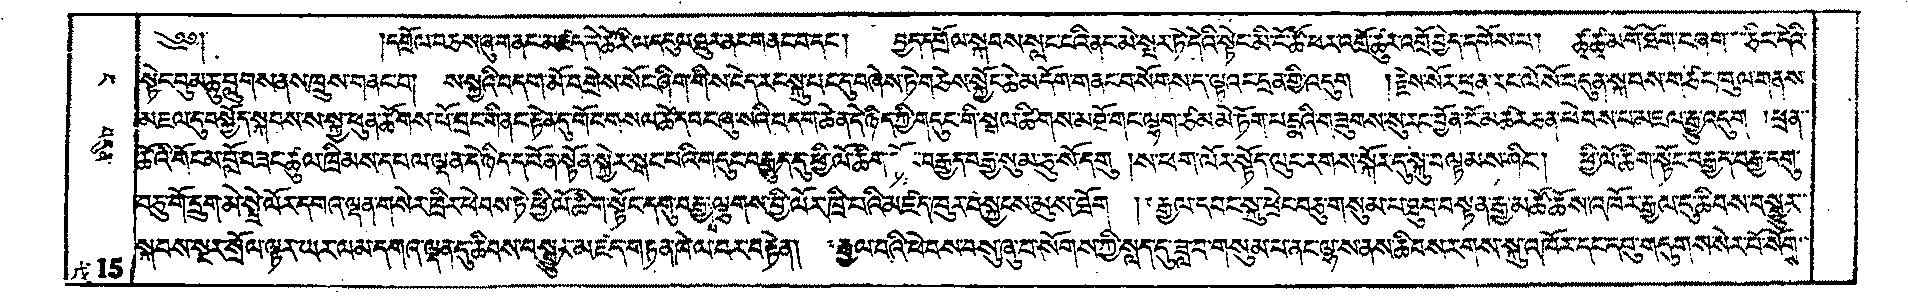༄༅། །དགྲོལ་བཅས་ཞུ་གནང་མཛད་དེ་ཚེ་རིལ་དངུལ་ཐུར་ནང་གནང་བ་དང་། བྱད་དགྲོལ་སྐབས་སླང་ངའི་ནང་མེ་སྤར་ཏེ་དེའི་སྟེང་མི་ངོ་ཚོ་ཕར་འགྲོ་ཚུར་འགྲོ་བྱེད་དགོས་པ། ཚྭ་ཚྭ་མགོ་ཐོག་བཞག་ཅིང་དེའི་
སྟེང་བུམ་ཆུ་བླུགས་ནས་ཁྲུས་གནང་བ། ས་སྐྱའི་བདག་མོ་བགྲེས་སོང་ཞིག་གིས་ངེད་རང་སྐུ་པང་དུ་བཞེས་ཏེ་གཅེས་སྐྱོང་ཆེ་མདོག་གནང་བ་སོགས་ད་ལྟའང་དྲན་གྱི་འདུག །རྗེས་སོར་ཕྲན་རང་ལོ་སོ་བདུན་སྐབས་གཙང་ཁུལ་གནས་
མཇལ་དུ་བསྐྱོད་སྐབས་ས་སྐྱ་ཕུན་ཚོགས་ཕོ་བྲང་གི་ནང་རྟེན་དུ་གོང་གསལ་ཚེ་དབང་ཞུ་སའི་བདག་ཆེན་དེ་ཉིད་ཀྱི་གདུང་གི་སྒལ་ཚིགས་མཐོ་གང་ལྷག་ཙམ་མེ་ཏོག་པདམའི་གཟུགས་སུ་རང་བྱོན་ངོ་མཚར་ཅན་ཕེབས་པ་མཇལ་རྒྱུ་འདུག །ཕྲན་
ཚོའི་གོང་མ་བློ་བཟང་ཚུལ་ཁྲིམས་དཔལ་ལྡན་དེ་ཉིད་དབོན་སྟོན་སྐྱེར་སྒང་པའི་གདུང་བརྒྱུད་དུ་ཕྱི་ལོ་ཆིག་སྟོང་བརྒྱད་བརྒྱ་སུམ་ཅུ་སོ་དགུ །ས་ཕག་ལོར་སྟོད་ལུང་རགས་སྐོར་དུ་སྐུ་བལྟམས་ཤིང་། ཕྱི་ལོ་ཆིག་སྟོང་བརྒྱད་བརྒྱ་དགུ་
བཅུ་གོ་དྲུག་མེ་སྤྲེ་ལོར་དགའ་ལྡན་གསེར་ཁྲིར་ཕེབས་ཏེ་ཕྱི་ལོ་ཆིག་སྟོང་དགུ་བརྒྱ་པ་ལྕགས་བྱི་ལོར་ཁྲི་པའི་མཛད་ཁུར་བསྐྱངས་མུས་ཐོག །༧རྒྱལ་དབང་སྐུ་ཕྲེང་བཅུ་གསུམ་པ་ཐུབ་བསྟན་རྒྱ་མཚོ་ཆོས་འཁོར་རྒྱལ་དུ་ཆིབས་བསྒྱུར་
སྐབས་སྔར་སྲོལ་ལྟར་ཡར་ལམ་དགའ་ལྡན་དུ་ཆིབས་བསྒྱུར་མཛད་གཏན་ཁེལ་བར་བརྟེན། ༧རྒྱལ་བའི་ཕེབས་བསུ་ཞུ་བ་སོགས་ཀྱི་སླད་དུ་ཟླ་བ་གསུམ་པ་ནང་ལྷ་ས་ནས་ཆིབས་རགས་སྐུ་འཁོར་དང་དབུ་གདུགས་སེར་པོ་སོགས་